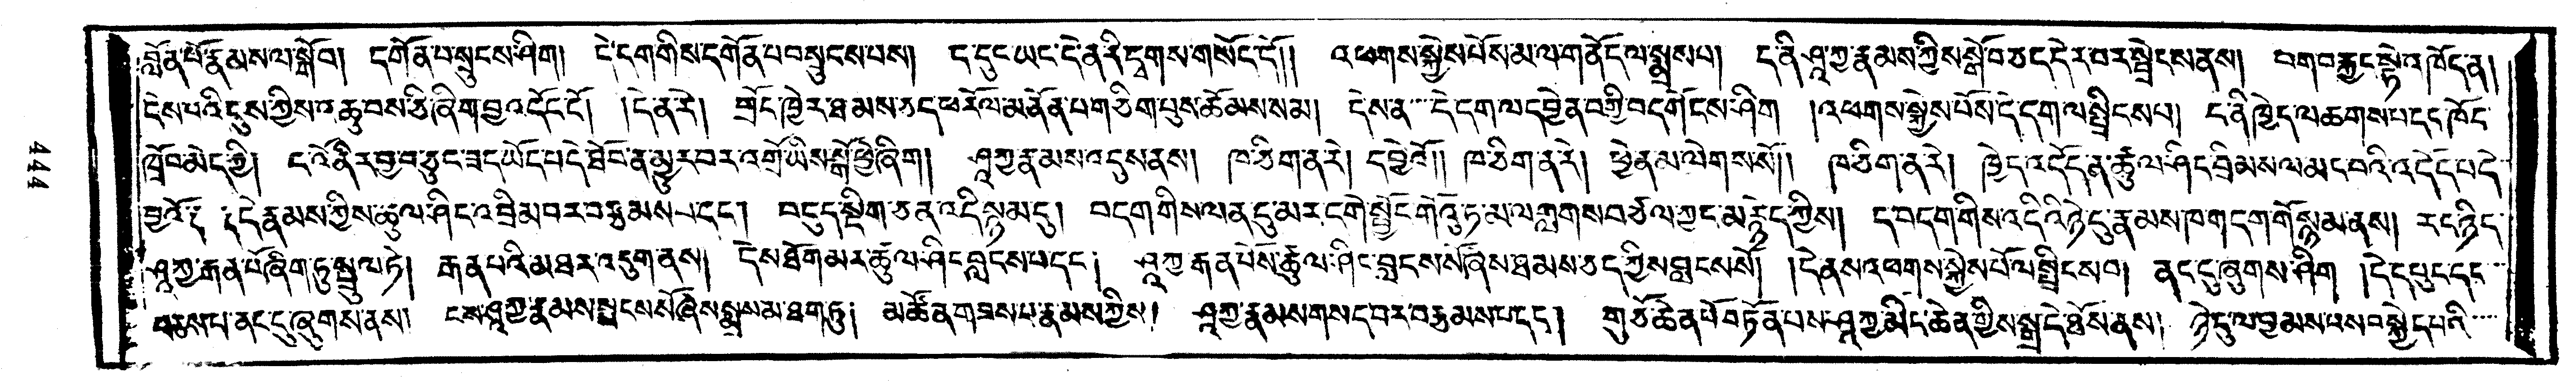བློན་པོ་རྣམས་ལ་སྒོ་བ། དགོན་པ་སྲུངས་ཤིག། དེ་དག་གིས་དགོན་པ་བསྲུངས་པས། ད་དུང་ཡང་དེ་ན་རི་དྭགས་གསོད་དོ། །འཕགས་སྐྱེས་པོས་མ་ལ་གནོད་ལ་སྨྲས་པ། ད་ནི་ཤཱཀྱ་རྣམས་ཀྱིས་སྒོ་བཅད་དེར་བར་སྦྲེངས་ནས། བག་བརྐྱང་སྟེ་འཁོད་ན།
ངེས་པའི་དུས་ཀྱིས་འཆུ་བས་ཅི་ཞིག་བྱ་འདོང་ངོ། །དེ་ན་རེ། གྲོང་ཁྱེར་ཐམས་ཅད་ཕ་རོལ་མནོན་པ་གཅིག་པུས་ཆོམས་སམ། དེས་ན་དེ་དག་ལ་དབྱེན་བགྱི་བ་དགོངས་ཤིག །འཕགས་སྐྱེས་པོས་དེ་དག་ལ་སྤྲིངས་པ། ང་ནི་ཁྱེད་ལ་ཆགས་པ་དང་ཁོད་
ཁྲོབ་མེད་ཀྱི། ང་འོ་ནིར་བྱ་བ་ཅུང་ཟད་ཡོད་པ་དེ་ཐོབ་ན་མྱུར་བར་འགྲོ་ཡིས་སྒོ་ཕྱེ་ཞིག། ཤཱཀྱ་རྣམས་འདུས་ནས། ཁ་ཅིག་ན་རེ། དབྱེའོ། །ཁ་ཅིག་ན་རེ། ཕྱེན་མ་ལེགས་སོ། །ཁ་ཅིག་ན་རེ། ཁྱེད་འདོད་ན་ཚུལ་ཤིང་བྲིམས་ལ་མང་བའི་འདོད་པ་དེ་
བྱའོ༑ ༑དེ་རྣམས་ཀྱིས་ཆུལ་ཤིང་འབྲིམ་བར་བརྩམས་པ་དང་། བདུད་སྡིག་ཅན་འདི་སྙམ་དུ། བདག་གིས་ལན་དུ་མར་དགེ་སྦྱོང་གོའུ་ཏ་མ་ལ་གླགས་བཙལ་ཀྱང་མ་རྙེད་ཀྱིས། ད་བདག་གིས་འདིའི་ཉེ་དུ་རྣམས་ཁ་གདག་གོ་སྙམ་ནས། རང་ཉིད་
ཤཱཀྱ་རྒན་པོ་ཞིག་ཏུ་སྤྲུལ་ཏེ། རྒན་པའི་མཐར་འདུག་ནས། དེས་ཐོག་མར་ཚུལ་ཤིང་བླངས་པ་དང་། ཤཱཀྱ་རྒན་པོས་ཚུལ་ཤིང་བླངས་སོ་ཞེས་ཐམས་ཅད་ཀྱིས་བླངས་སོ། །དེ་ནས་འཕགས་སྐྱེས་པོ་ལ་སྤྲིང་བ། ནང་དུ་ཞུགས་ཤིག །དེ་དཔུང་དང་
བཅས་པ་ནང་དུ་ཞུགས་ནས། ངས་ཤཱཀྱ་རྣམས་སྤངས་སོ་ཞེས་སྨྲས་མ་ཐག་ཏུ༑ མཚོན་གཟས་པ་རྣམས་ཀྱིས། ཤཱཀྱ་རྣམས་གསད་བར་བརྩམས་པ་དང་། གུ་ཅོ་ཆེན་པོ་བཏོན་པས་ཤཱཀྱ་མིང་ཆེན་གྱིས་སྒྲ་དེ་ཐོས་ནས། ཉེ་དུ་ལ་བྱམས་པས་བསྐྱེད་པའི་